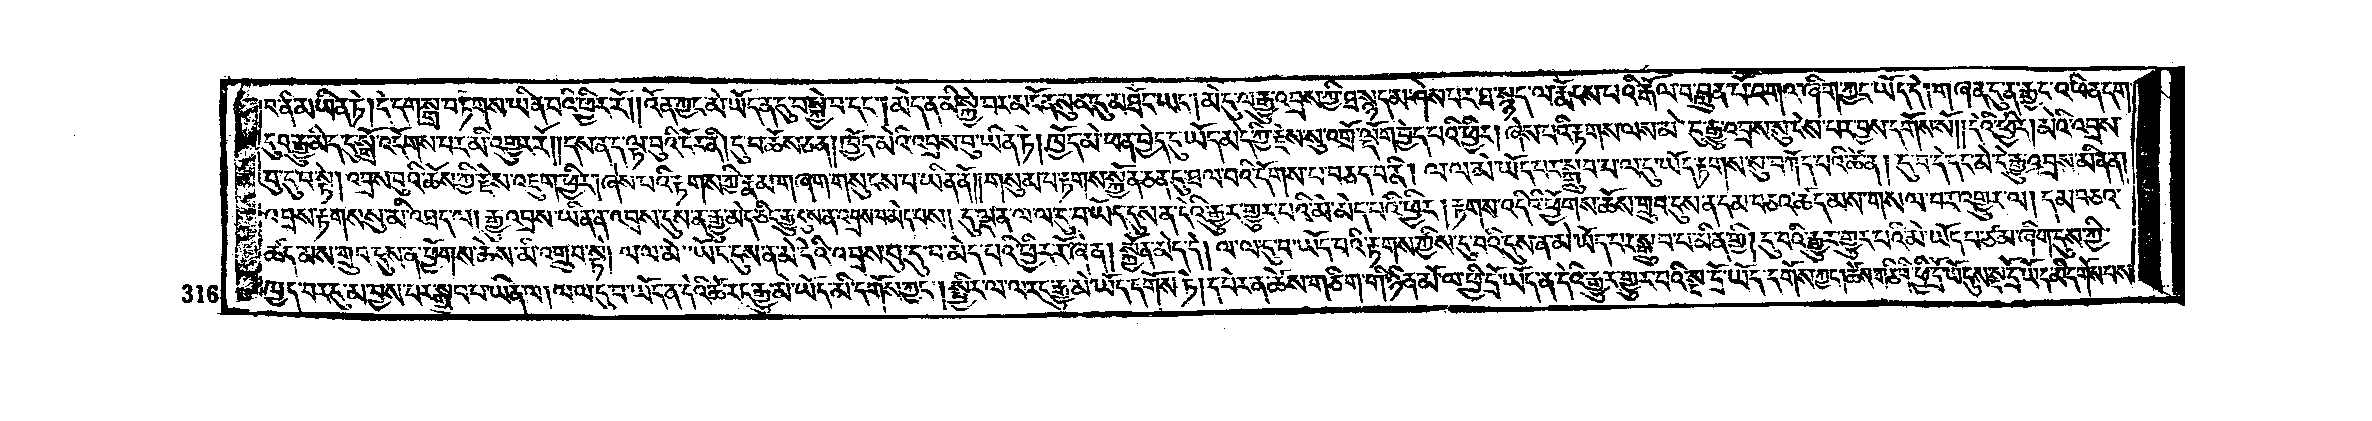བ་ནི་མ་ཡིན་ཏེ། དེ་དག་སྒྲ་བཏགས་ཡིན་པའི་ཕྱིར་རོ། །འོན་ཀྱང་མེ་ཡོད་ན་དུ་བ་སྐྱེ་བ་དང་། མེད་ན་མི་སྐྱེ་བར་མངོན་སུམ་དུ་མཐོང་ཡང་། མེ་དུ་ལ་རྒྱུ་འབྲས་ཀྱི་ཐ་སྙད་མ་ཤེས་པར་ཐ་སྙད་ལ་རྨོངས་པའི་རྒོལ་བ་བླུན་པོ་འགའ་ཞིག་ཀྱང་ཡོད་དེ། གཞན་དུ་ན་རྒྱང་འཕེན་དག་
དུ་བ་རྒྱུ་མེད་དུ་སྒྲོ་འདོགས་པར་མི་འགྱུར་རོ། །དེས་ན་ད་ལྟ་བུའི་ངོར་ནི། དུ་བ་ཆོས་ཅན། ཁྱོད་མེའི་འབྲས་བུ་ཡིན་ཏེ། ཁྱོད་མེ་ཕན་བྱེད་དུ་ཡོད་མེད་ཀྱི་རྗེས་སུ་འགྲོ་ལྡོག་བྱེད་པའི་ཕྱིར། ཞེས་པའི་རྟགས་ལས་མེ་དུ་རྒྱུ་འབྲས་སུ་ངེས་པར་བྱས་དགོས་སོ། །དེའི་ཕྱིར། མེའི་འབྲས་
བུ་དུ་བ་སྟེ། འབྲས་བུའི་ཆོས་ཀྱི་རྗེས་འཇུག་ཕྱིར། ཞེས་པའི་རྟགས་ཀྱི་རྣམ་གཞག་གསུངས་པ་ཡིན་ནོ། །གསུམ་པ་རྟགས་སྐྱོན་ཅན་དུ་ཐལ་བའི་དོགས་པ་བཅད་པ་ནི། ལ་ལ་མེ་ཡོད་པར་སྒྲུབ་པ་ལ་དུ་ཡོད་རྟགས་སུ་བཀོད་པའི་ཚེ་ན། དུ་བ་དེ་དང་མེ་དེ་རྒྱུ་འབྲས་མིན་ན།
འབྲས་རྟགས་སུ་མི་འཐད་ལ། རྒྱུ་འབྲས་ཡིན་ན་འབྲས་དུས་ན་རྒྱུ་མེད་ཅིང་རྒྱུ་དུས་ན་འབྲས་བུ་མེད་པས། དུ་ལྡན་ལ་ལ་དུ་བ་ཡོད་དུས་ན་དེའི་རྒྱུར་གྱུར་པའི་མེ་མེད་པའི་ཕྱིར། རྟགས་འདིའི་ཕྱོགས་ཆོས་གྲུབ་དུས་ན་དམ་བཅའ་ཚད་མས་གསལ་བར་འགྱུར་ལ། དམ་བཅའ་
ཚད་མས་གྲུབ་དུས་ན་ཕྱོགས་ཆོས་མི་འགྲུབ་སྟེ། ལ་ལ་མེ་ཡོད་དུས་ན་མེ་དེའི་འབྲས་བུ་དྲ་?་བ་མེད་པའི་ཕྱིར་རོ་ཞེ་ན། སྐྱོན་མེད་དེ། ལ་ལ་དུ་བ་ཡོད་པའི་རྟགས་ཀྱིས་དུ་བའི་དུས་ན་མེ་ཡོད་པར་སྒྲུབ་པ་མིན་གྱི། དུ་བའི་རྒྱུར་གྱུར་པའི་མེ་ཡོད་པ་ཙམ་ཞིག་དུས་ཀྱང་?
ཁྱད་པར་དུ་མ་བྱས་པར་སྒྲུབ་པ་ཡིན་ལ། ལ་ལ་དུ་བ་ཡོད་ན་དེའི་ཚེ་རང་རྒྱུ་མེ་ཡོད་མི་དགོས་ཀྱང་། སྤྱིར་?་ལ་ལ་རང་རྒྱུ་མེ་ཡོད་དགོས་ཏེ། དཔེར་ན་ཚེས་གཅིག་གི་ཉིན་མོ་ལ་ཕྱི་དྲོ་ཡོད་ན་དེའི་རྒྱུར་གྱུར་བའི་སྔ་དྲོ་ཡོད་དགོས་ཀྱང་། ཚེས་གཅིག་གི་ཕྱི་དྲོ་ཡོད་དུས་སྔ་དྲོ་ཡོད་མི་དགོས་པས་